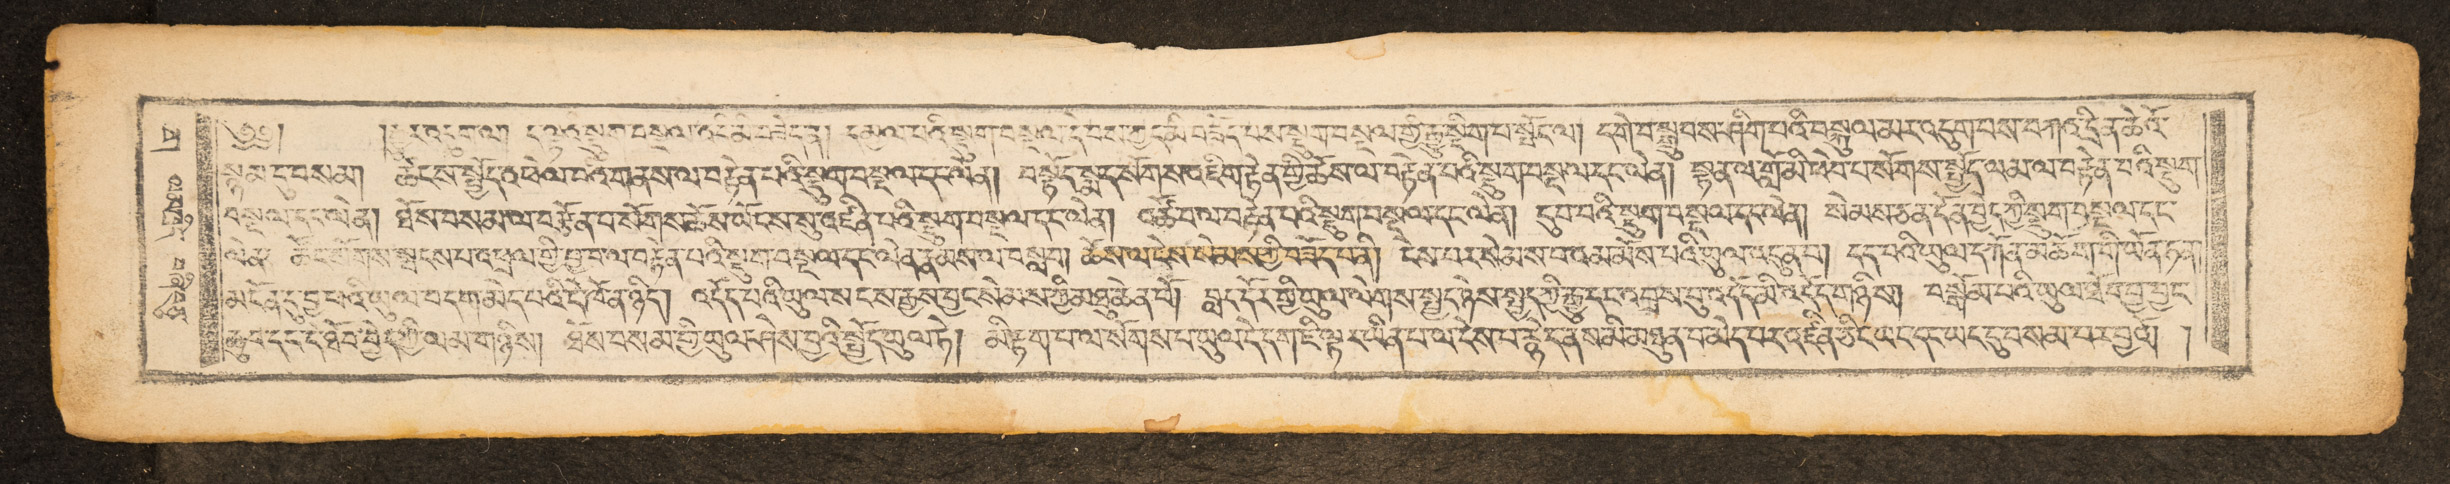༄༅། །རྒྱུར་འདུག་ལ། ད་ལྟའི་སྡུག་བསྔལ་འདི་མི་བཟོད་ན། དམྱལ་བའི་སྡུག་བསྔལ་དེ་བས་ཀྱང་མི་བཟོད་པས་སྡུག་བསྔལ་གྱི་རྒྱུ་སྡིག་པ་སྤོང་ལ། དགེ་བ་སྒྲུབས་ཤིག་པའི་བསྐུལ་མར་འདུག་པས་བཀའ་དྲིན་ཆེའོ་
སྙམ་དུ་བསམ། ཚངས་སྤྱོད་འཕེལ་བའི་གནས་ལ་བརྟེན་པའི་སྡུག་བསྔལ་དང་ལེན། བསྟོད་སྨད་སོགས་འཇིག་རྟེན་གྱི་ཚེས་ལ་བརྟེན་པའི་སྡུག་བསྔལ་དང་ལེན། སྟན་ལ་གློ་མི་ཕེབ་པ་སོགས་སྤྱོད་ལམ་ལ་བརྟེན་པའི་སྡུག་
བསྔལ་དང་ལེན། ཐོས་བསམ་ལ་བརྩོན་པ་སོགས་ཆོས་ཡོངས་སུ་འཛིན་པའི་སྡུག་བསྔལ་དང་ལེན། འཚོ་བ་ལ་བརྟེན་པའི་སྡུག་བསྔལ་དང་ལེན། དུབ་པའི་སྡུག་བསྔལ་དང་ལེན། སེམས་ཅན་དོན་བྱེད་ཀྱི་སྡུག་བསྔལ་དང་
ལེན༑ ཚོང་སོགས་སྤངས་པ་འཕྲལ་གྱི་བྱ་བ་ལ་བརྟེན་པའི་སྡུག་བསྔལ་དང་ལེན་རྣམས་ལ་བསླབ། ཆོས་ལ་ངེས་སེམས་ཀྱི་བཟོད་པ་ནི། ངེས་པར་སེམས་པ་འམ་མོས་པའི་ཡུལ་འདུན་པ། དད་པའི་ཡུལ་དཀོན་མཆོག་གི་ཡོན་ཏན།
མངོན་དུ་བྱ་པའི་ཡུལ་བདག་མེད་པའི་དེ་ཁོ་ན་ཉིད། འདོད་པའི་ཡུལ་སངས་རྒྱས་བྱང་སེམས་ཀྱི་མཐུ་ཆེན་པོ། བླང་དོར་གྱི་ཡུལ་ལེགས་སྤྱད་ཉེས་སྤྱད་ཀྱི་རྒྱུ་དང་འབྲས་བུ་འདོད་མི་འདོད་གཉིས། བསྒོམ་པའི་ཡུལ་ཐོབ་བྱ་བྱང་
ཆུབ་དང་དེ་ཐོབ་བྱེད་ཀྱི་ལམ་གཉིས། ཐོས་བསམ་གྱི་ཡུལ་ཤེས་བྱའི་སྤྱོད་ཡུལ་ཏེ། མི་རྟག་པ་ལ་སོགས་པ་ཡུལ་དེ་དག་ཇི་ལྟར་ཡིན་པ་ལ་ངེས་པ་རྙེད་ནས་མི་མཐུན་པ་མེད་པར་འཛིན་ཅིང་ཡང་དང་ཡང་དུ་བསམ་པར་བྱའོ། །